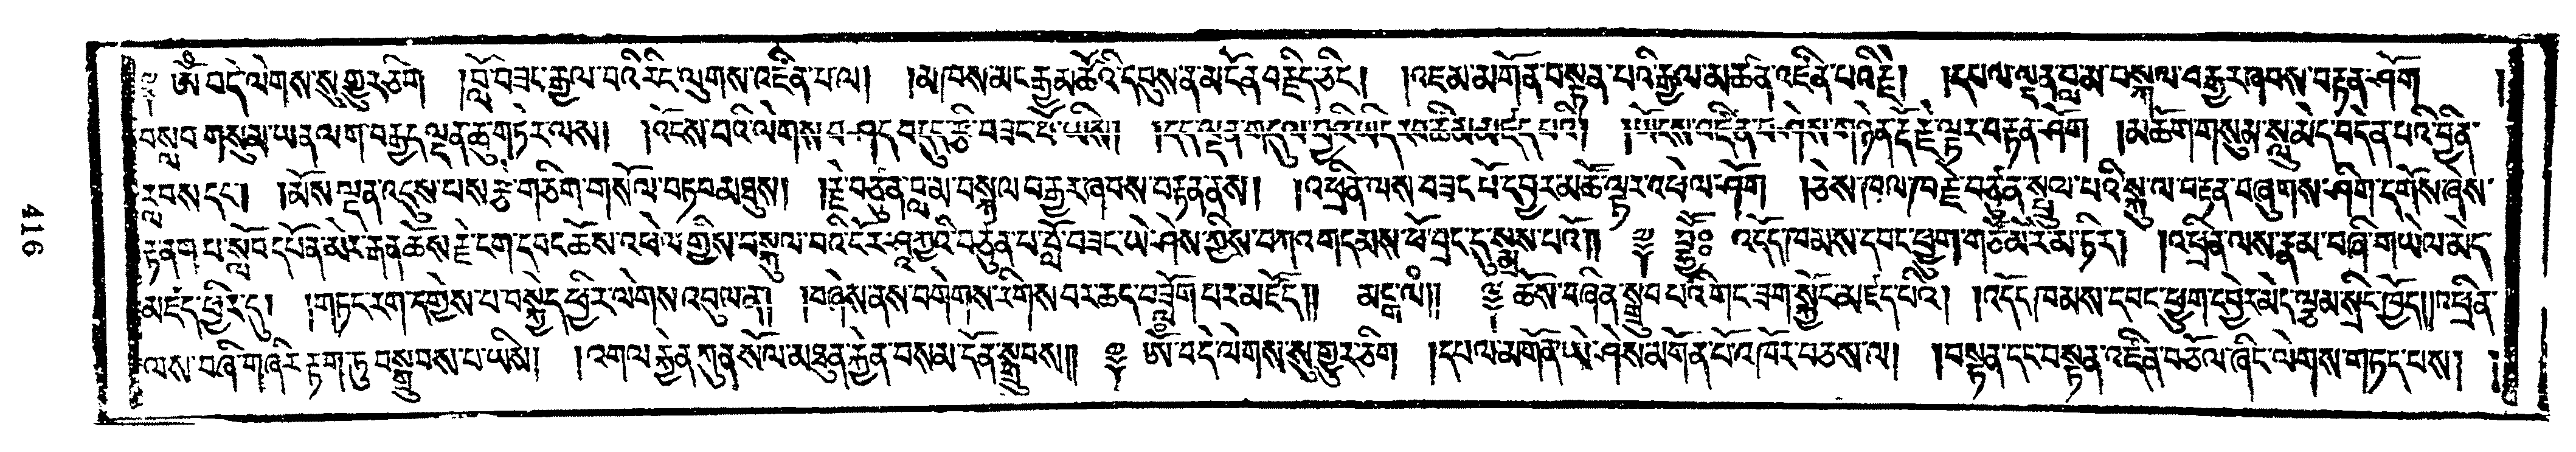༈ ཨོཾ་བདེ་ལེགས་སུ་གྱུར་ཅིག །བློ་བཟང་རྒྱལ་བའི་རིང་ལུགས་འཛིན་པ་ལ། །མཁས་མང་རྒྱ་མཚོའི་དབུས་ན་མངོན་བརྗིད་ཅིང་། །འཇམ་མགོན་བསྟན་པའི་རྒྱལ་མཚན་འཛིན་པའི་རྗེ། །དཔལ་ལྡན་བླ་མ་བསྐལ་བརྒྱར་ཞབས་བརྟན་ཤོག །
བསླབ་གསུམ་ཡན་ལག་བརྒྱད་ལྡན་ཆུ་གཏེར་ལས། །འོངས་བའི་ལེགས་བཤད་བདུད་རྩི་བཟང་པོ་ཡིས། །དད་ལྡན་གདུལ་བྱའི་ཡིད་རབ་ཚིམ་མཛད་པའི། །ཡོངས་འཛིན་བཤེས་གཉེན་རྡོ་རྗེ་ལྟར་བརྟན་ཤོག །མཆོག་གསུམ་སླུ་མེད་བདེན་པའི་བྱིན་
རླབས་དང་། །མོས་ལྡན་འདུས་པས་རྩེ་གཅིག་གསོལ་བཏབ་མཐུས། །རྗེ་བཙུན་བླ་མ་བསྐལ་བརྒྱར་ཞབས་བརྟན་ནས། །འཕྲིན་ལས་བཟང་པོ་དབྱར་མཚོ་ལྟར་འཕེལ་ཤོག །ཅེས་ཁལ་ཁ་རྗེ་བཙུན་སྤྲུལ་པའི་སྐུ་ལ་བརྟན་བཞུགས་ཤིག་དགོས་ཞེས་
རྟ་ནག་པ་སློབ་དཔོན་མེར་རྒན་ཆོས་རྗེ་ངག་དབང་ཆོས་འཕེལ་གྱིས་བསྐུལ་བའི་ངོར་ཤཱཀྱའི་བཙུན་པ་བློ་བཟང་ཡེ་ཤེས་ཀྱིས་བཀའ་གདམས་ཕོ་བྲང་དུ་སྨྲས་པའོ།། ༈ བྷྱཽཿ འདོད་ཁམས་དབང་ཕྱུག་གཙོ་མོ་རེ་མ་ཏིར། །འཕྲིན་ལས་རྣམ་བཞི་གཡེལ་མེད་
མཛད་ཕྱིར་དུ། །གཏང་རག་དགྱེས་པ་བསྐྱེད་ཕྱིར་ལེགས་འབུལ་ན། །བཞེས་ནས་བགེགས་རིགས་བར་ཆད་བཟློག་པར་མཛོད།། མངྒ་ལཾ།། ༈ ཆོས་བཞིན་སྒྲུབ་པའི་གང་ཟག་སྐྱོང་མཛད་པའི། །འདོད་ཁམས་དབང་ཕྱུག་དབྱེར་མེད་ལྕམ་སྲིང་ཁྱོད། །འཕྲིན་
ལས་བཞི་གཞིར་རྟག་ཏུ་བསྒྲུབས་པ་ཡིས། །འགལ་རྐྱེན་ཀུན་སོལ་མཐུན་རྐྱེན་བསམ་དོན་སྒྲུབས།། ༈ ཨོཾ་བདེ་ལེགས་སུ་གྱུར་ཅིག །དཔལ་མགོན་ཡེ་ཤེས་མགོན་པོ་འཁོར་བཅས་ལ། །བསྟན་དང་བསྟན་འཛིན་བཅོལ་ཞིང་ལེགས་གཏད་པས། །